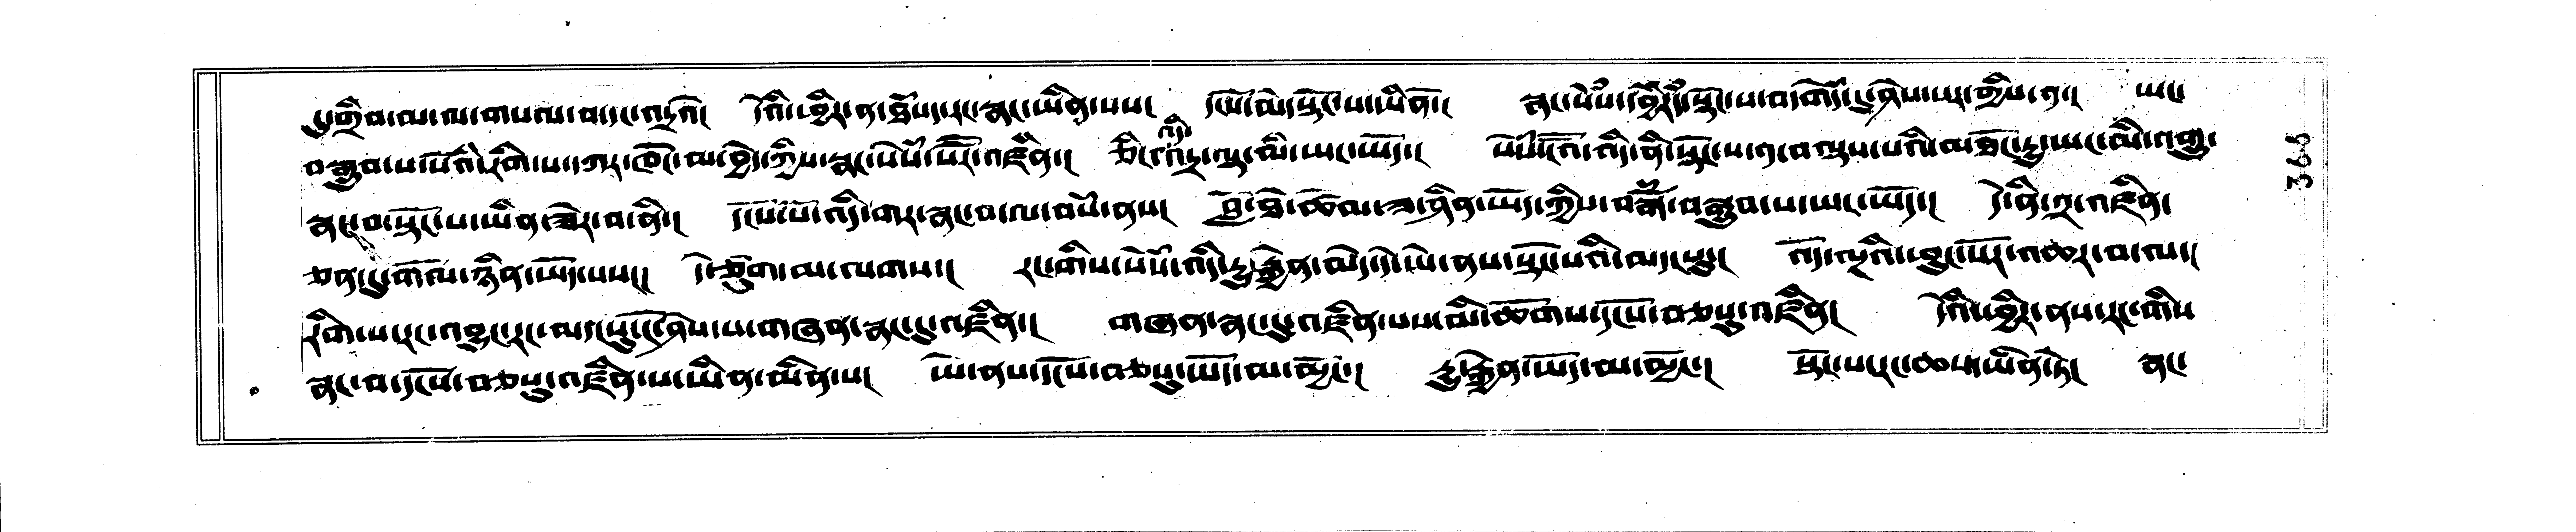དུ་རང་གིས་གྲིབ་མ་ལ་གསལ་བ་བཞིན་དང་འདྲའོ། དེའི་ཕྱི་ན་ཐམས་ཅད་རང་སྣང་ཡིན་པ་དངོས་མེད་སྟོང་པ་ཡིན་ནོ། སྣང་སེམས་དབྱེར་མེད་སྟོང་པ་བདག་མེད་དུ་ཤེས་པར་གྱིས་ཅིག ཡང་
བསྒྲུབ་པ་པོ་རང་རིག་སྐར་ཁུང་མ་བྱེ་ཟིན་གྱི་སྣང་སེམས་སོ་སོར་འཛིན་ཅིང་འདི་འདྲར་ལྟ་མི་ཡང་ཡོད། སེམས་ཀྱིས་ངོའོ་འདི་ནི་སྟོང་པ་ཅིག་ཡིན་པས། བལྟས་པས་མཐོང་རྒྱུ་ཡང་མི་འགུལ། 
སྣང་བ་སྟོང་བ་ཡིན་ཟེར་བ་ནི་དངོས་པོ་འདི་ཀ་སྣང་བ་ལ་བསམ་ཡང་། བློ་ཐེ་ཚོམ་ཟ་ཞིང་ཡིད་ཀྱིས་སྒོམ་པ་ཡང་ཡོད་དོ། དེ་ནི་གཉིས་འཛིན་
ཅན་དུ་གོལ་ཉན་ཡོད་པསདེ་‘‘་ཙུག”མ་ལགས་སོ། རང་གིས་སེམས་འདི་རྒྱུ་རྐྱེན་མེད་དེ་ཡེ་ནས་སྟོང་པའི་གདངས་སུ། འོད་ལྔ་ཕྱིར་རུ་འཆར་བ་ལ། 
རིག་པ་རང་འབྱུང་རང་གདངས་སུ་ངོ་མ་ཤེས་པས་གཞན་སྣང་དུ་འཛིན། གཞན་སྣང་དུ་འཛིན་པས་མི་ཆོག་དངོས་བཅས་སུ་འཛིན། དེའི་ཕྱིར་ན་རང་གིས་
སྣང་བ་དངོས་བཅས་སུ་འཛིན་པ་ཡིན། ཡེ་ནས་དངོས་བཅས་སུ་ཡོད་མ་མྱོང་། རྒྱུ་རྐྱེན་ཡོད་མ་མྱོང་། སྟོང་པ་རང་ཆས་ཡིན་ཏེ། སྣང་